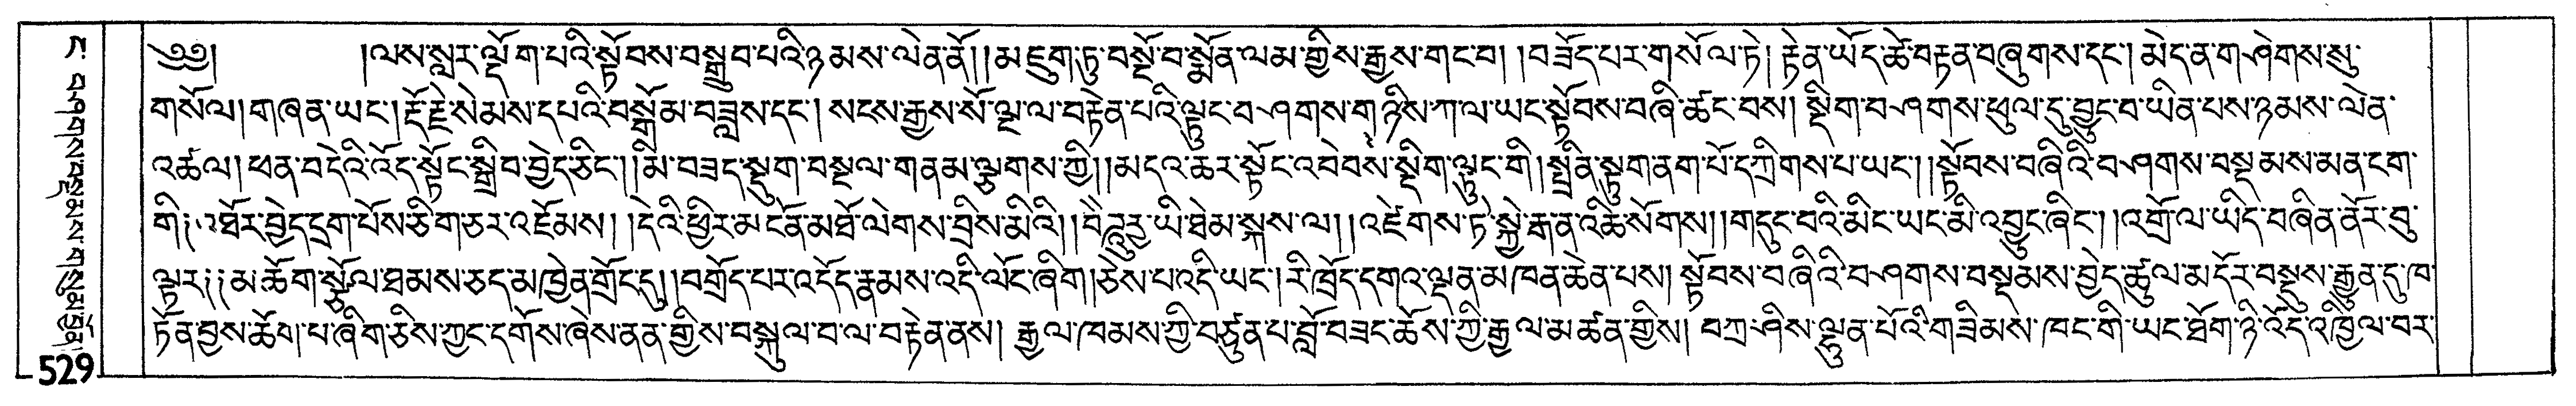༄༅། །ལས་སླར་ལྡོག་པའི་སྟོབས་བསྒྲུབ་པའི་ཉམས་ལེན་ནོ། །མཇུག་ཏུ་བསྔོ་བ་སྨོན་ལམ་གྱིས་རྒྱས་གང་བ། །བཟོད་པར་གསོལ་ཏེ། རྟེན་ཡོད་ཚེ་བརྟན་བཞུགས་དང་། མེད་ན་གཤེགས་སུ་
གསོལ། གཞན་ཡང་། རྡོ་རྗེ་སེམས་དཔའི་བསྒོམ་བཟླས་དང་། སངས་རྒྱས་སོ་ལྔ་ལ་བརྟེན་པའི་ལྟུང་བཤགས་གཉིས་ཀ་ལ་ཡང་སྟོབས་བཞི་ཚང་བས། སྡིག་བཤགས་ཕུལ་དུ་བྱུང་བ་ཡིན་པས་ཉམས་ལེན་
འཚལ། ཕན་བདེའི་འོད་སྟོང་སྒྲིབ་བྱེད་ཅིང་། །མི་བཟད་སྡུག་བསྔལ་གནམ་ལྕགས་ཀྱི། །མདའ་ཆར་སྟོང་འབེབས་སྡིག་ལྟུང་གི །སྤྲིན་སྟུག་ནག་པོ་དཀྲིགས་པ་ཡང་། །སྟོབས་བཞིའི་བཤགས་བསྡམས་མན་ངག་
གི ༑འཐོར་བྱེད་དྲག་པོས་ཅིག་ཅར་འཇོམས། །དེའི་ཕྱིར་མངོན་མཐོ་ལེགས་བྲིས་མིའི། །བཻཌཱུརྱ་ཡི་ཐེམ་སྐས་ལ། །འཛེགས་ཏེ་སྐྱེ་རྒ་ན་འཆི་སོགས། །གདུང་བའི་མིང་ཡང་མི་འབྱུང་ཞིང་། །འགྲོ་ལ་ཡིད་བཞིན་ནོར་བུ་
ལྟར༑ ༑མཆོག་སྩོལ་ཐམས་ཅད་མཁྱེན་གྲོང་དུ། །བགྲོད་པར་འདོད་རྣམས་འདི་ལོང་ཞིག །ཅེས་པ་འདི་ཡང་། རི་ཁྲོད་དགའ་ལྡན་མཁན་ཆེན་པས། སྟོབས་བཞིའི་བཤགས་བསྡམས་བྱེད་ཚུལ་མདོར་བསྡུས་རྒྱུན་དུ་ཁ་
ཏོན་བྱས་ཆོག་པ་ཞིག་ཅིས་ཀྱང་དགོས་ཞེས་ནན་གྱིས་བསྐུལ་བ་ལ་བརྟེན་ནས། རྒྱལ་ཁམས་ཀྱི་བཙུན་པ་བློ་བཟང་ཆོས་ཀྱི་རྒྱལ་མཚན་གྱིས། བཀྲ་ཤིས་ལྷུན་པོའི་གཟིམས་ཁང་གི་ཡང་ཐོག་ཉི་འོད་འཁྱིལ་བར་